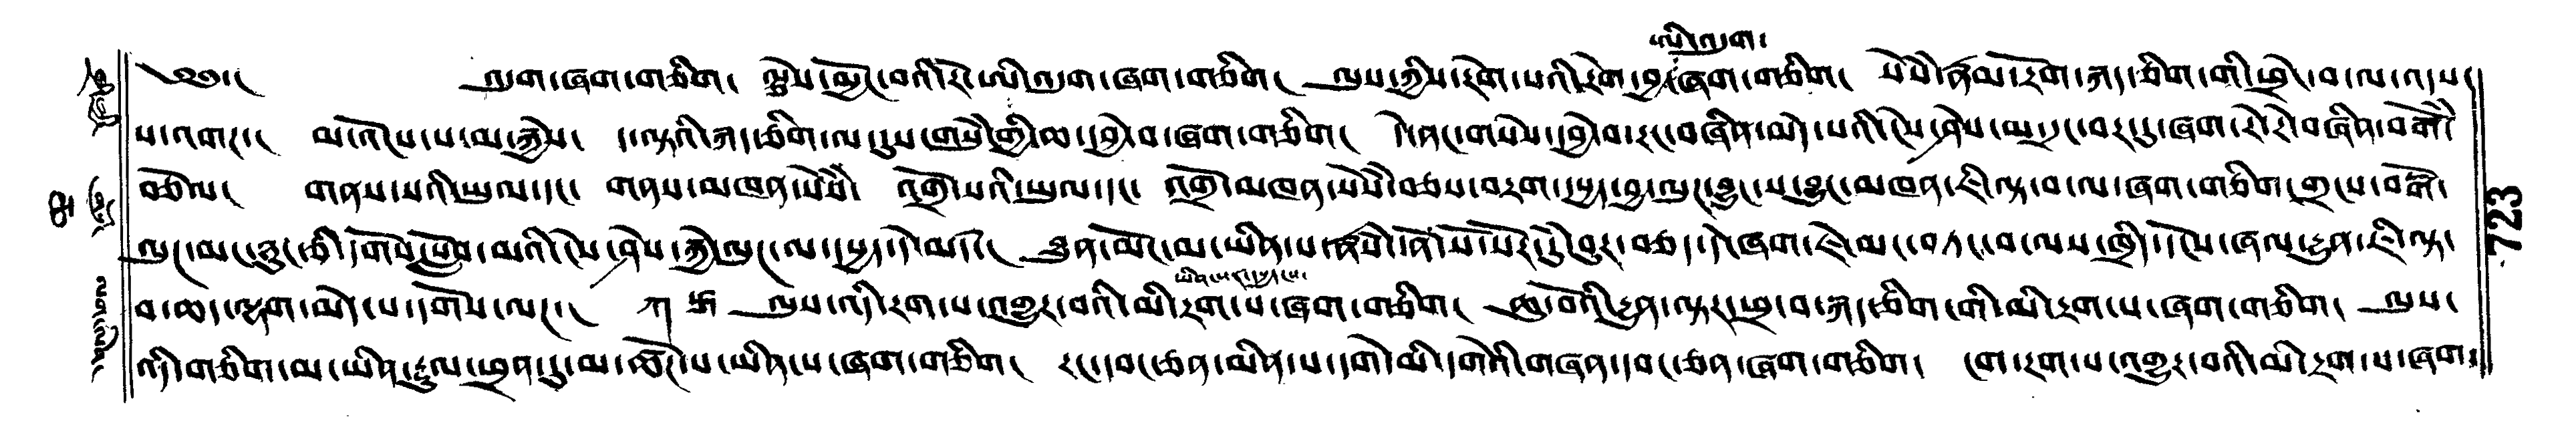འདུག་ཞག་གཅིག ལྕེས་མྱོང་བའི་རོ་ཨི་འདུག་ཞག་གཅིག ལུས་ཀྱིས་རེག་པའི་རེག་བྱ་ཨི་འདུག་ཞག་གཅིག སེམས་རྣམ་རྟོག་སྐད་ཅིག་གི་ཕྲེང་བ་ལ་འདས་
པ་འགགས། མ་འོངས་པ་མ་སྐྱེས། ད་ལྟའི་སྐད་ཅིག་ལ་དུས་གསུམ་གྱི་ཆ་དབྱེ་བ་ཞག་གཅིག དེ་ནང་གསེས་དབྱེ་བ་རང་བཞིན་མེད་པའི་ངེས་ཤེས་མ་དྲང་བར་དུ་ཞག་རེ་རེ་བཞིན་བསྒོམ་
བཅོལ། གནས་པའི་ཡུལ་དང་། གནས་མཁན་སེམས། འགྲོ་བའི་ཡུལ་དང་། འགྲོ་མཁན་སེམས་བཅས་བརྟག་དཔྱད་བྱ་ལུགས་བྱུང་ས་བྱུང་མཁན་ཇི་ལྟ་བ་ལ་ཞག་གཅིག གྲངས་བགོ་
ལུགས་མང་ཉུང་ཅི་དགོས་སློབ་མའི་ངེས་ཤེས་སྐྱེ་ལུགས་ལ་དཔྱད་དེ་མཛད། ཐུན་མོང་མ་ཡིན་པ་རྣམས་དོན་སོ་སོར་དུམ་བུར་བཅད་དེ་ཞག་ཇེ་མང་བཏང་བ་ལས་ཁྲིད་དངོས་ཞལ་རྒྱུན་ཇི་ལྟ་
བ་ཆད་ལྷག་མེད་པ་དགོས་ལགས། ཀ༽ ལུས་འདི་རགས་པ་འགྱུར་བའི་མི་རྟག་པ་ཞག་གཅིག ཆུ་བོའི་རྒྱུན་ལྟར་ཕྲ་བ་སྐད་ཅིག་གི་མི་རྟག་པ་ཞག་གཅིག ལུས་
འདི་གཅིག་མ་ཡིན་རྡུལ་ཕྲན་དུ་མ་ཚོགས་པ་ཡིན་པ་ཞག་གཅིག རང་དབང་ཅན་མིན་པ་དགེ་མི་དགེའི་གཞན་དབང་ཅན་ཞག་གཅིག ངག་རགས་པ་འགྱུར་བའི་མི་རྟག་པ་ཞག